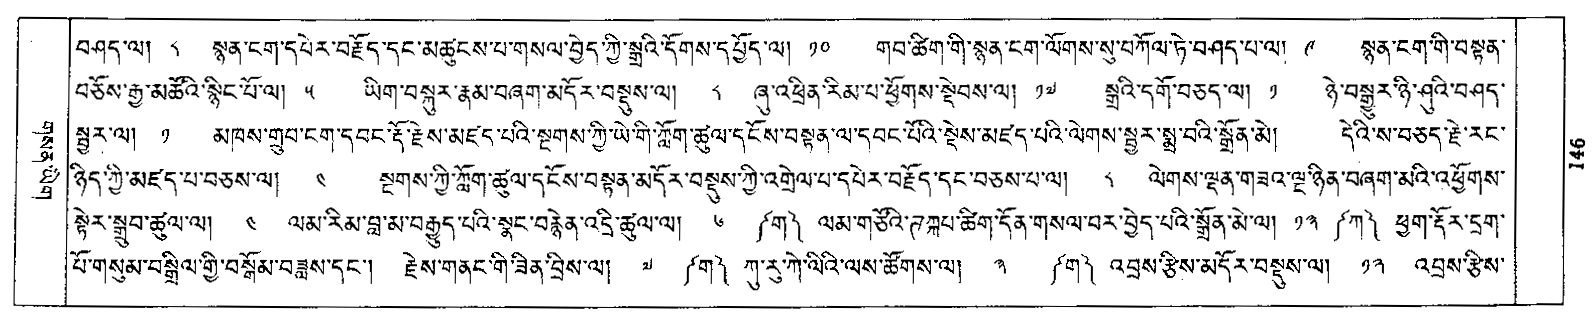བཤད་ལ། ༨་སྙན་ངག་དཔེར་བརྗོད་དང་མཚུངས་པ་གསལ་བྱེད་ཀྱི་སྒྲའི་དོགས་དཔྱོད་ལ། ༡༠་གབ་ཚིག་གི་སྙན་ངག་ལོགས་སུ་བཀོལ་ཏེ་བཤད་པ་ལ། ༩་སྙན་ངག་གི་བསྟན་
བཅོས་རྒྱ་མཚོའི་སྙིང་པོ་ལ། ༥་ཡིག་བསྐུར་རྣམ་བཞག་མདོར་བསྡུས་ལ། ༨་ཞུ་འཕྲིན་རིམ་པ་ཕྱོགས་སྡེབས་ལ། ༡༧་སྒྲའི་དགོ་བཅད་ལ། ༡་ཉེ་བསྒྱུར་ཉི་ཤུའི་བཤད་
སྦྱར་ལ། ༡་མཁས་གྲུབ་ངག་དབང་རྡོ་རྗེས་མཛད་པའི་སྔགས་ཀྱི་ཡེ་གི་ཀློག་ཚུལ་དངོས་བསྟན་ལ་དབང་པོའི་སྡེས་མཛད་པའི་ལེགས་སྦྱར་སྨྲ་བའི་སྒྲོན་མེ། དེའི་ས་བཅད་རྗེ་རང་
ཉིད་ཀྱི་མཛད་པ་བཅས་ལ། ༤་སྔགས་ཀྱི་ཀློག་ཚུལ་དངོས་བསྟན་མདོར་བསྡུས་ཀྱི་འགྲེལ་པ་དཔེར་བརྗོད་དང་བཅས་པ་ལ། ༨་ལེགས་ལྡན་གཟའ་ལྔ་ཉིན་བཞག་མའི་འཕྱོགས་
སྟེར་སྒྲུབ་ཚུལ་ལ། ༤་ལམ་རིམ་བླ་མ་བརྒྱུད་པའི་སྣང་བརྙེན་འདྲི་ཚུལ་ལ། ༦་?ག༼་ལམ་གཙོའི་ཊཀྐྤ་ཚིག་དོན་གསལ་བར་བྱེད་པའི་སྒྲོན་མེ་ལ། ༡༣་?ཀ༽ ཕྱག་རྡོར་དྲག་
པོ་གསུམ་བསྒྲིལ་གྱི་བསྒོམ་བཟླས་དང་། རྗེས་གནང་གི་ཟིན་བྲིས་ལ། ༧་?ག༼་ཀུ་རུ་ཀེ་ལིའི་ལས་ཚོགས་ལ། ༣་?ག༽ འབྲས་རྩིས་མདོར་བསྡུས་ལ། ༡༢་འབྲས་རྩིས་